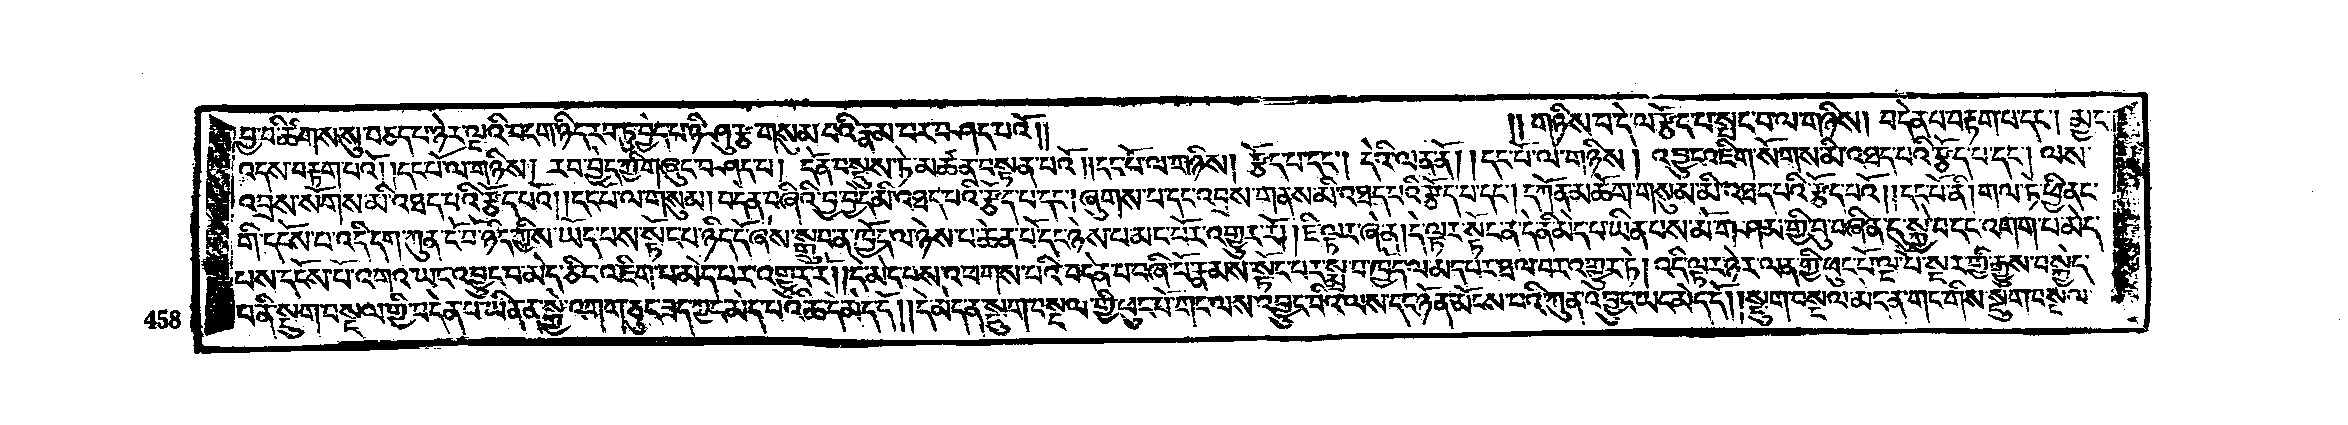བྱ་བ་ཚིགས་སུ་བཅད་པ་ཉེར་ལྔའི་བདག་ཉིད་རབ་ཏུ་བྱེད་པ་ཉི་ཤུ་རྩ་གསུམ་པའི་རྣམ་པར་བཤད་པའོ།། །།གཉིས་པ་དེ་ལ་རྩོད་པ་སྤང་བ་ལ་གཉིས། བདེན་པ་བརྟག་པ་དང་། མྱང་
འདས་བརྟག་པའོ། །དང་པོ་ལ་གཉིས། རབ་བྱེད་ཀྱི་གཞུང་བཤད་པ། དོན་བསྡུས་ཏེ་མཚན་བསྟན་པའོ། །དང་པོ་ལ་གཉིས། རྩོད་པ་དང་། དེའི་ལན་ནོ། །དང་པོ་ལ་གཉིས། འབྱུང་འཇིག་སོགས་མི་འཐད་པའི་རྩོད་པ་དང་། ལས་
འབྲས་སོགས་མི་འཐད་པའི་རྩོད་པའོ། །དང་པོ་ལ་གསུམ། བདེན་བཞིའི་བྱ་བྱེད་མི་འཐད་པའི་རྩོད་པ་དང་། ཞུགས་པ་དང་འབྲས་གནས་མི་འཐད་པའི་རྩོད་པ་དང་། དཀོན་མཆོག་གསུམ་མི་འཐད་པའི་རྩོད་པའོ། །དང་པོ་ནི། གལ་ཏེ་ཕྱི་ནང་
གི་དངོས་པོ་འདི་དག་ཀུན་ངོ་བོ་ཉིད་ཀྱིས་ཡོད་པས་སྟོང་པ་ཉིད་དོ་ཞེས་སྒྲུབ་ན་ཁྱོད་ལ་ཉེས་པ་ཆེན་པོ་དང་ཉེས་པ་མང་པོར་འགྱུར་རོ། །ཇི་ལྟར་ཞེ་ན། དེ་ལྟར་སྟོང་ན་དེ་ནི་མེད་པ་ཡིན་པས་མོ་གཤམ་གྱི་བུ་བཞིན་དུ་སྐྱེ་བ་དང་འགག་པ་མེད་
པས་དངོས་པོ་འགའ་ཡང་འབྱུང་བ་མེད་ཅིང་འཇིག་པ་མེད་པར་འགྱུར་རོ། །དེ་མེད་པས་འཕགས་པའི་བདེན་པ་བཞི་པོ་རྣམས་སྟོང་པར་སྨྲ་བ་ཁྱོད་ལ་མེད་པར་ཐལ་བར་འགྱུར་ཏེ། འདི་ལྟར་ཉེར་ལན་གྱི་ཕུང་པོ་ལྔ་པོ་སྔར་གྱི་རྒྱུས་བསྐྱེད་
པ་ནི་སྡུག་བསྔལ་གྱི་བདེན་པ་ཡིན་ན་སྐྱེ་འགག་ཅུང་ཟད་ཀྱང་མེད་པའི་ཆི་དེ་མེད་དོ། །དེ་མེད་ན་སྡུག་བསྔལ་གྱི་ཕུང་པོ་གང་ལས་འབྱུང་བའི་ལས་དང་ཉོན་མོངས་པའི་ཀུན་འབྱུང་ཡང་མེད་དོ། །སྡུག་བསྔལ་མེད་ན་གང་གིས་སྡུག་བསྔལ་